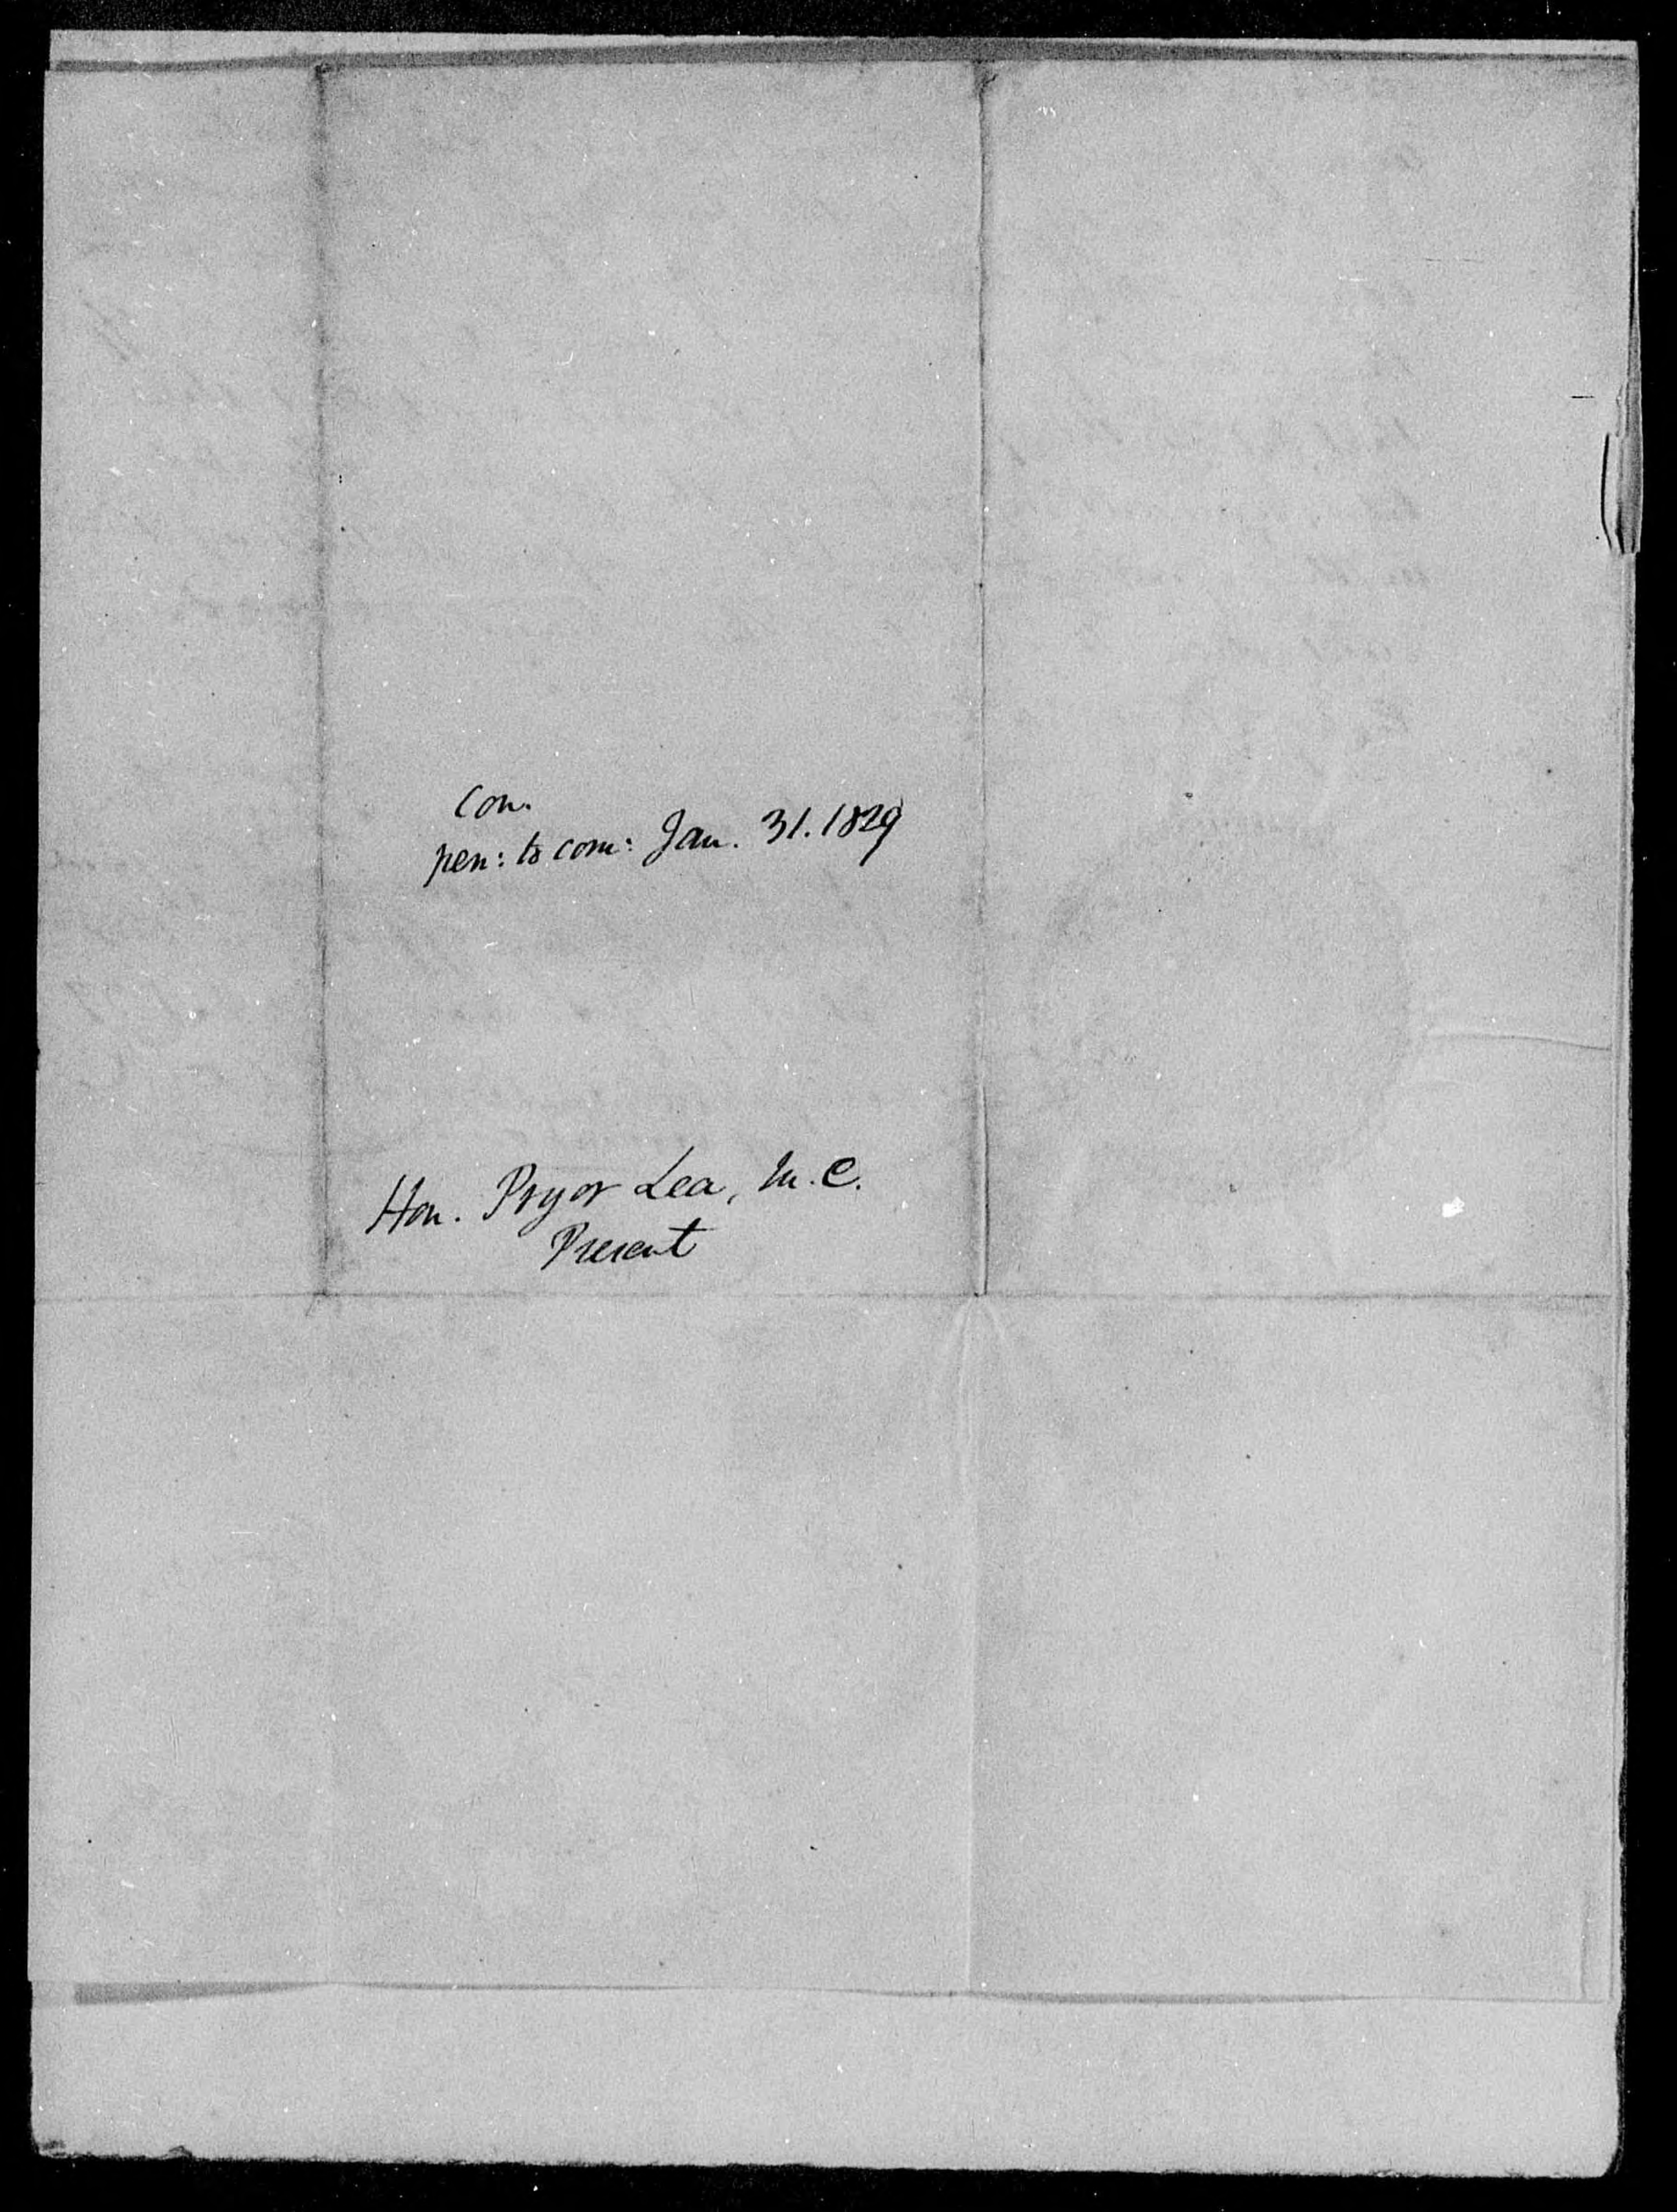Con.
pen: to com: Jan. 31. 1829

Hon Pryor Lea, M.C.
Present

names: Pryor Lea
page: 10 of 24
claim: survivor's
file: S. 38727, Thomas Gilbreath, Penn.